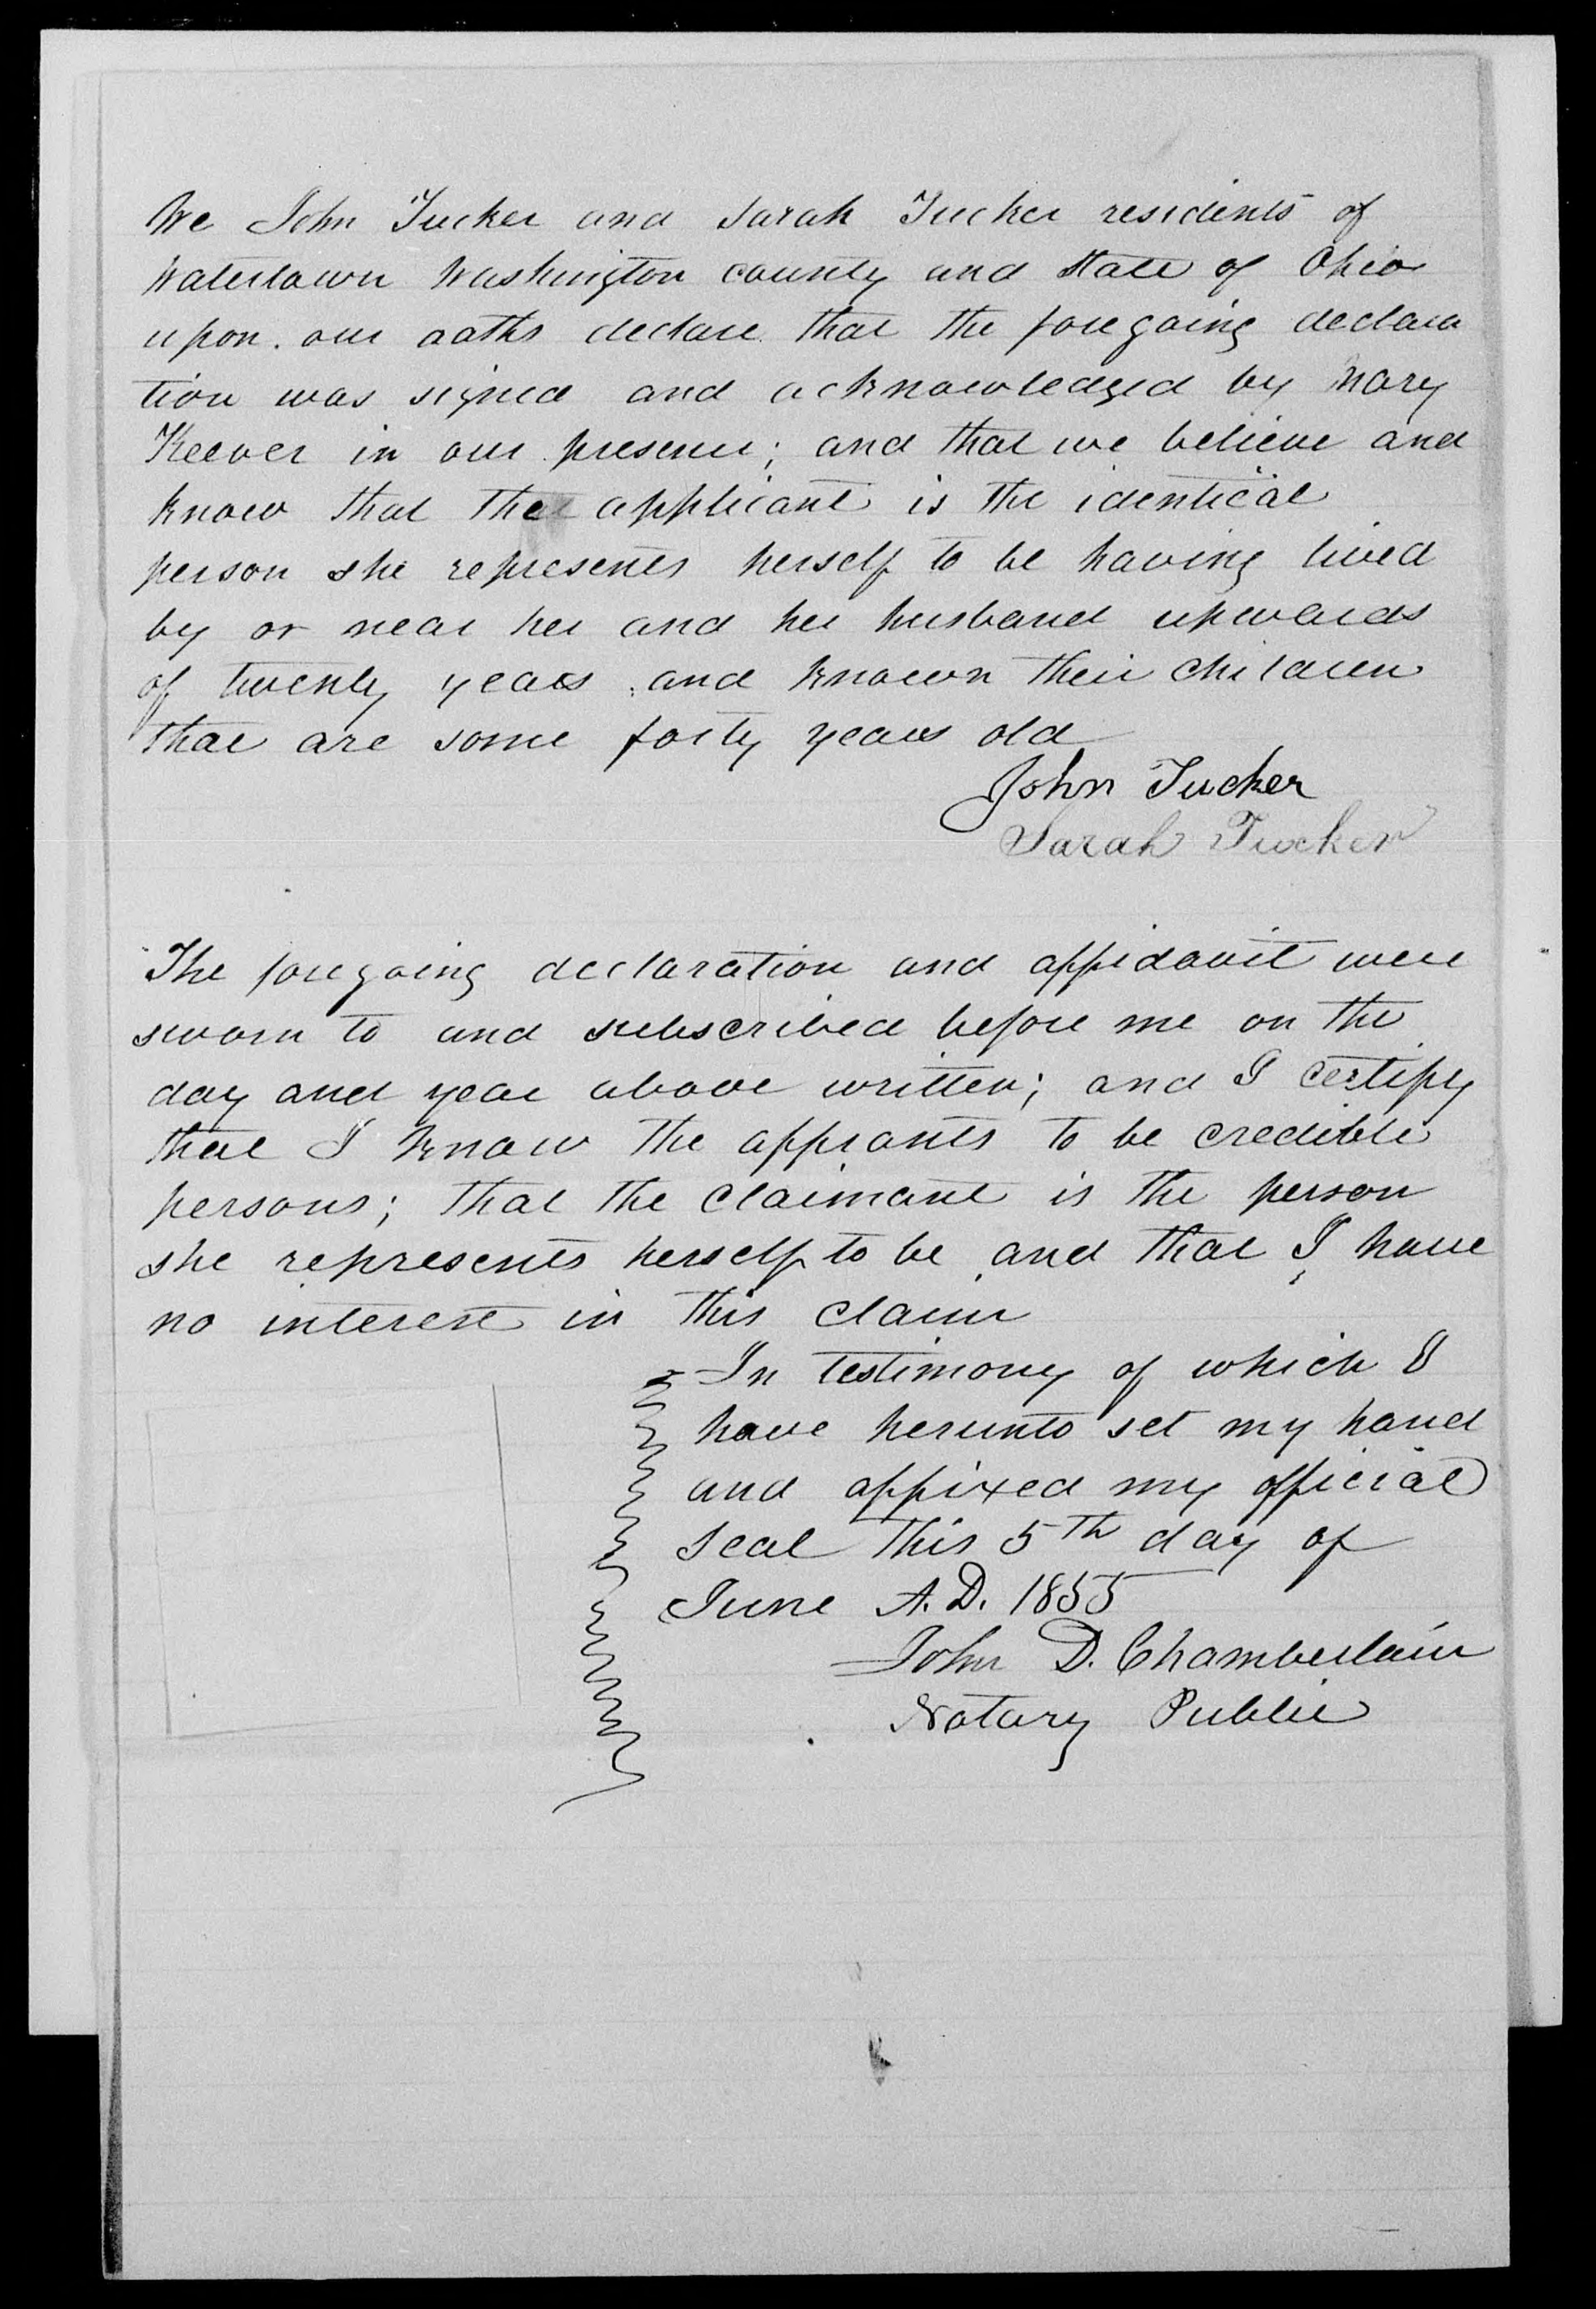We John Tucker and Sarah Tucker residents of Watertown Washington County and State of Ohio 
upon our oaths declare that the foregoing declaration 
was signed and acknowledged by Mary 
Keever in our presence; and that we believe and know that that applicant is the identical 
person she represents herself to be having lived by or near her and her husband upwards 
of twenty years and known their children 
that are some forty years old 
John Tucker 
Sarah Tucker 
The foregoing declaration and affidavit were sworn to and subscribed before me on the 
day and year above written; and I certify 
that I know the affiants to be credible 
persons; that the claimant is the person 
she represents herself to be and that I have 
no interest in this claim 
In testimony of which I 
have hereunto set my hand 
and affixed my official 
Seal this 5th day of 
June A.D. 1855 
John D. Chamberlain 
Notary Public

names: Mary Keever; John Tucker; John D Chamberlain; Sarah Tucker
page: 6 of 33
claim: rejected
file: R. 5814, for John Keever, Maryland